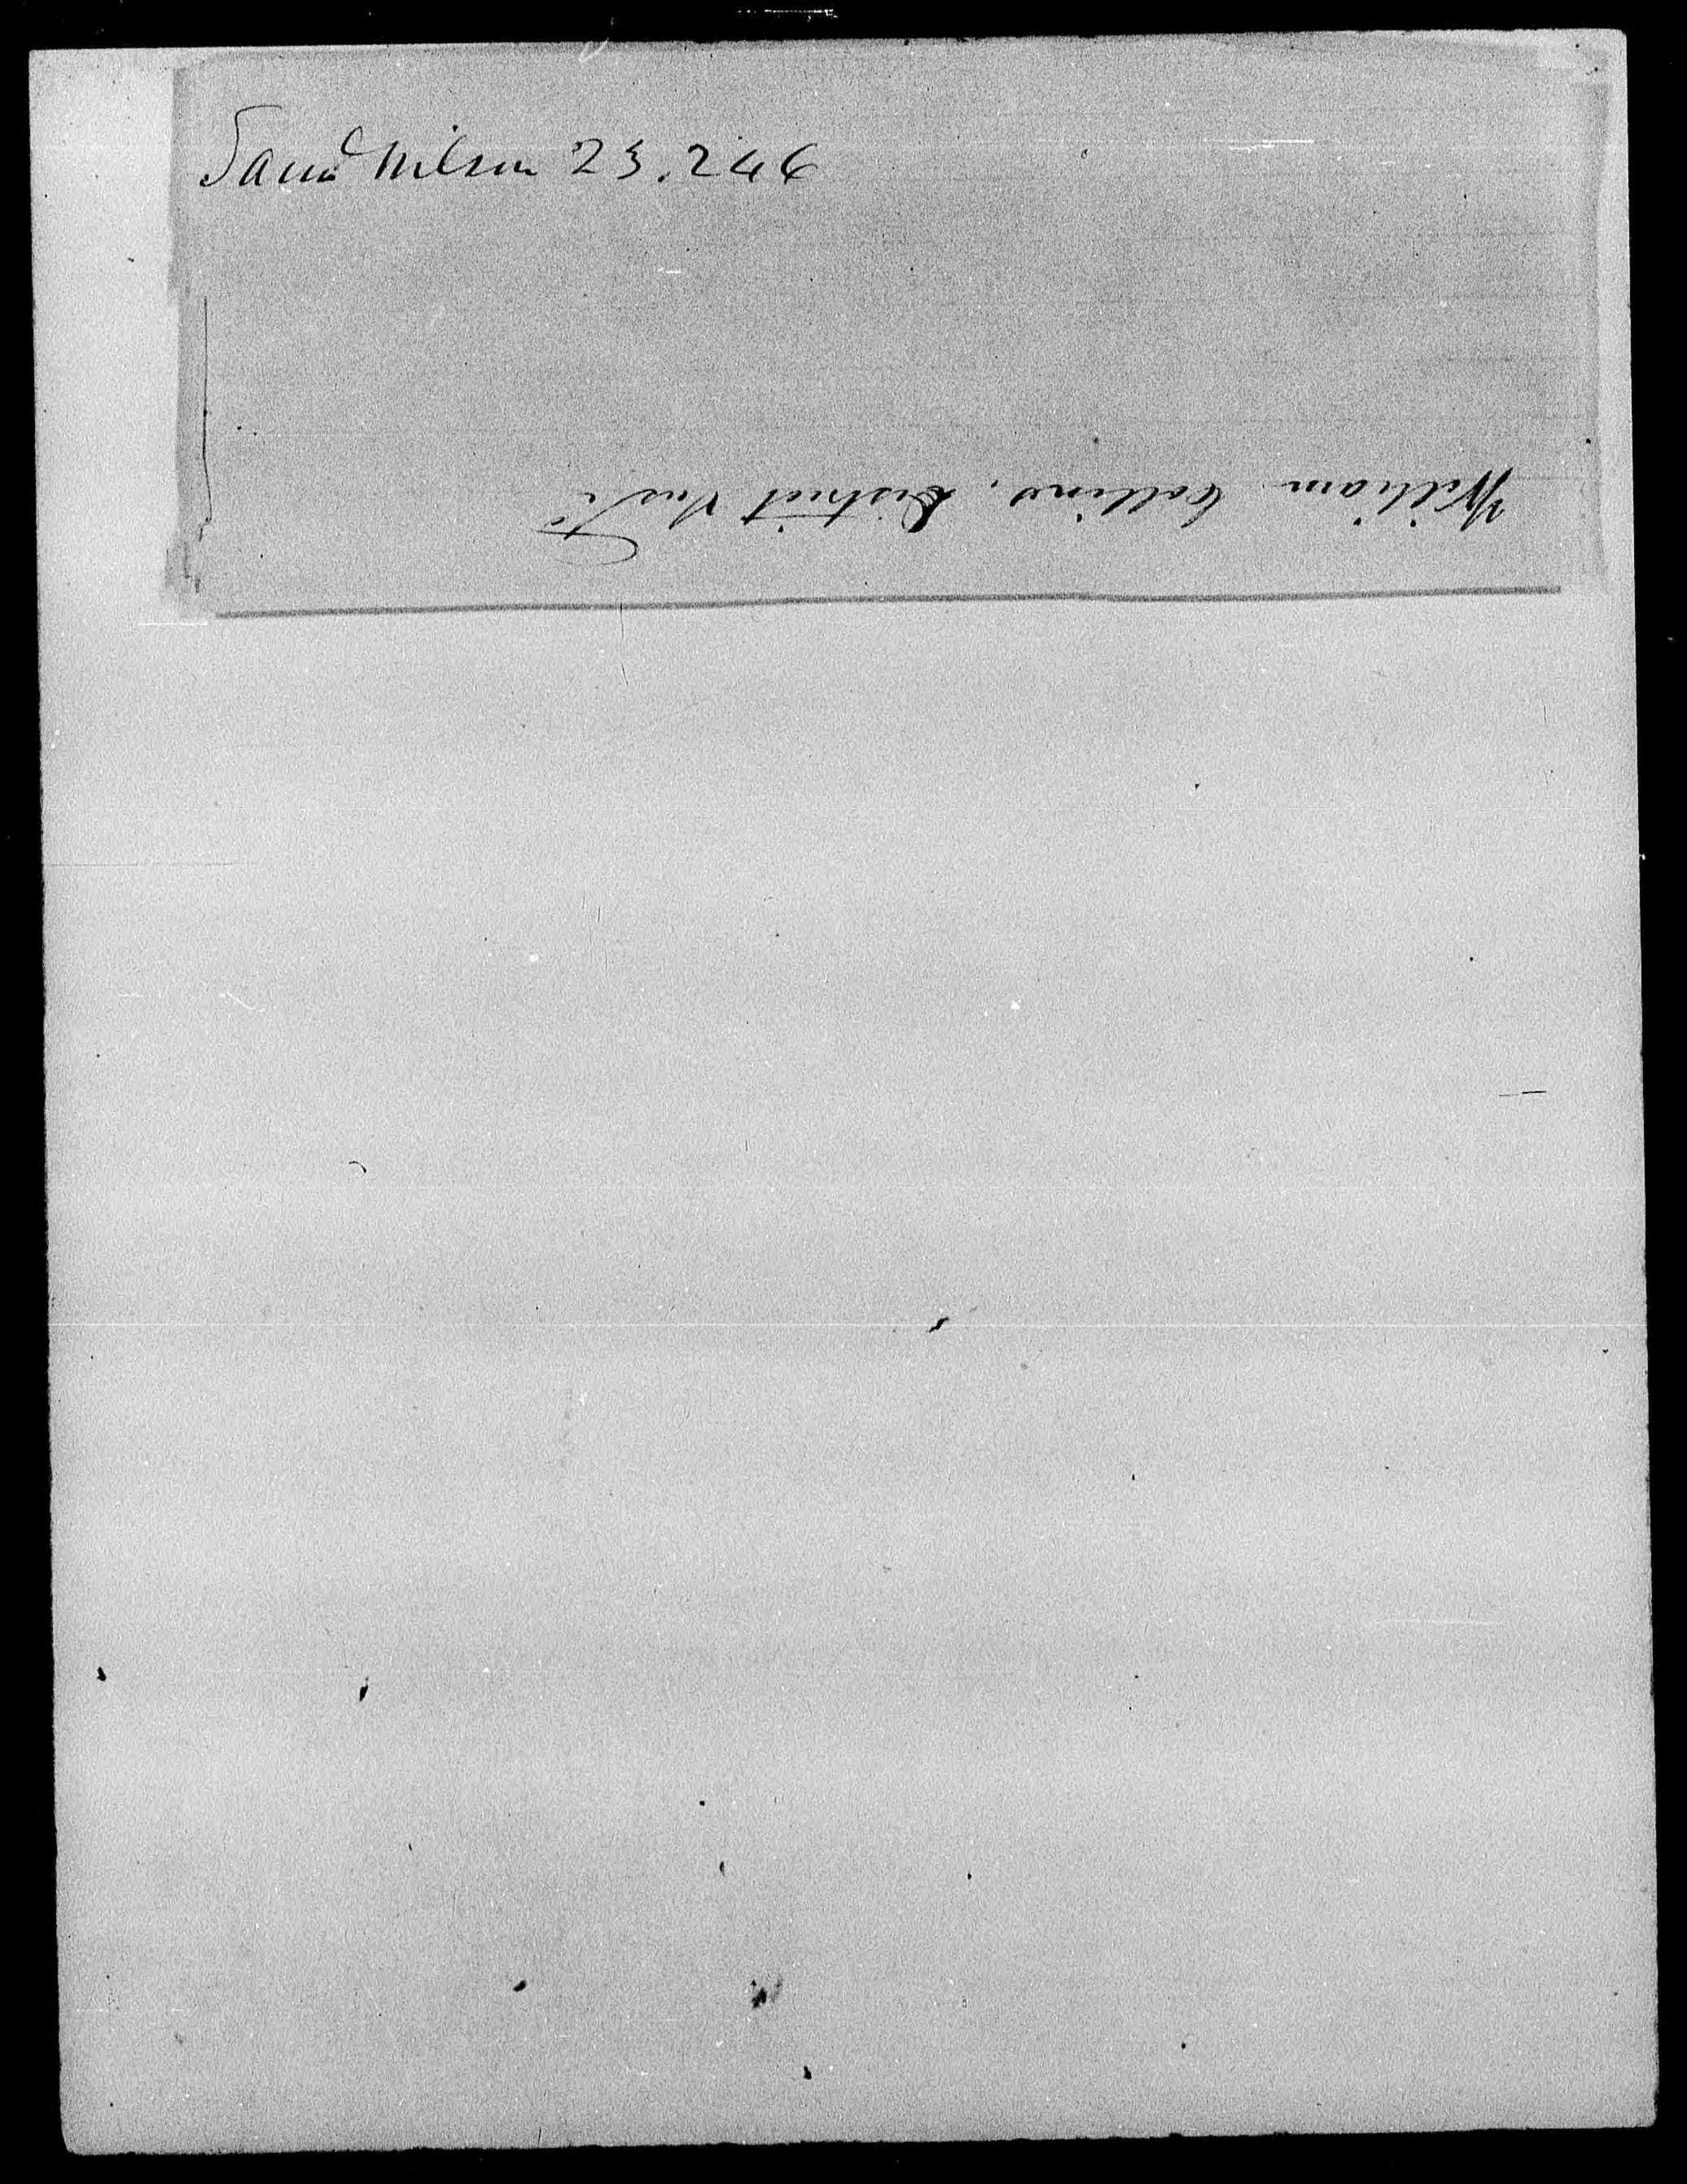Sam'l Wilson 23,246.

William Collins, District Just.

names: William Collins, Saml Wilson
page: 37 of 55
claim: survivor's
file: S. 6,937, Joseph Graham, N.C.